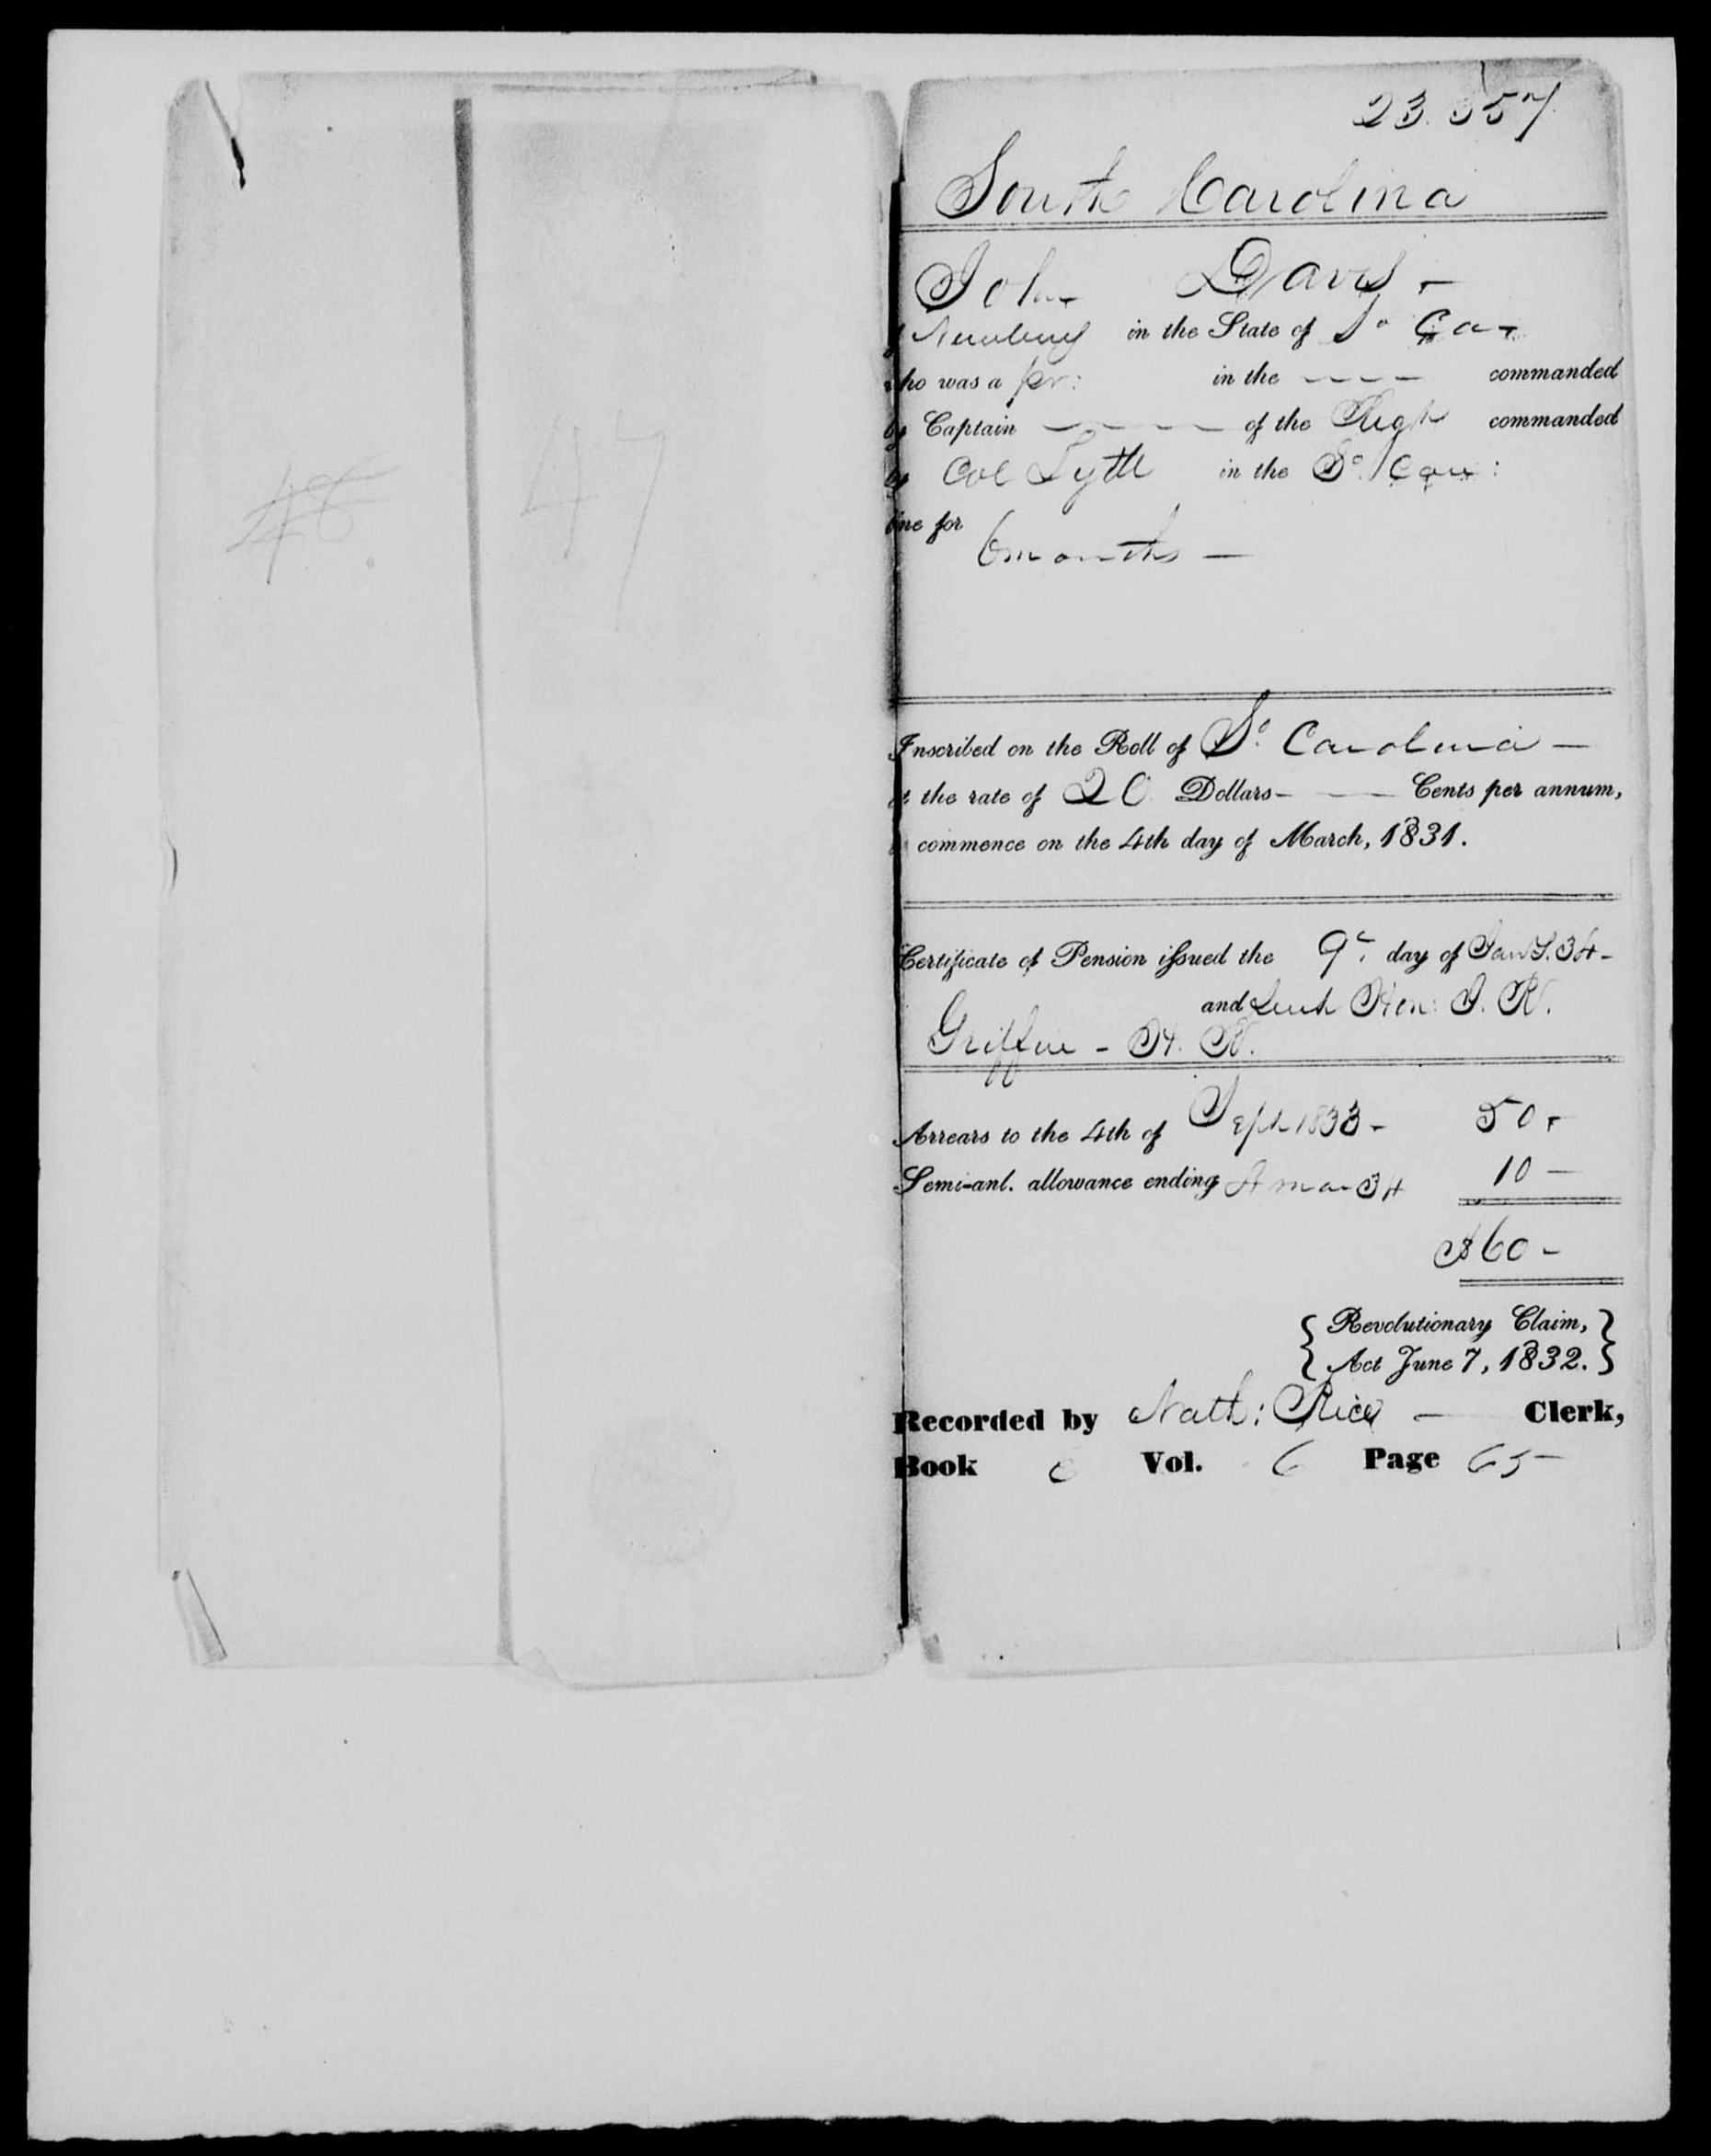23.357
South Carolina
------------
John Davis
Newberry in the State of S. Car.
who was a Pr: in the _____ commanded
by Captain_____ of the Regt. commanded
by Col Lytle in the So. Car. 
line for 6 months
--------------
Inscribed on the Roll of S. Carolina
at the rate of 20 Dollars --- Cents per annum,
commence on the 4th day of March, 1831.
-----------------
Certificate of Pension issued the 9th day of Jany. '34
and Such Hon J.R. Griffin, H. R.
--------------
Arrears to the 4th of Sept 1833-          50--
Semi-anl. allowance ending 4 Mar 34 -10--
                                                      -------------
                                                            $60.--
 Revolutionary Claim,
Act June 7, 1832.
Recorded by Nath Rice - Clerk,
Book - CVol. Page 65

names: Lytle, Nath Rice, John Davis, J R Griffin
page: 2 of 13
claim: survivor's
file: S. 21,725, John Davis, S.C.